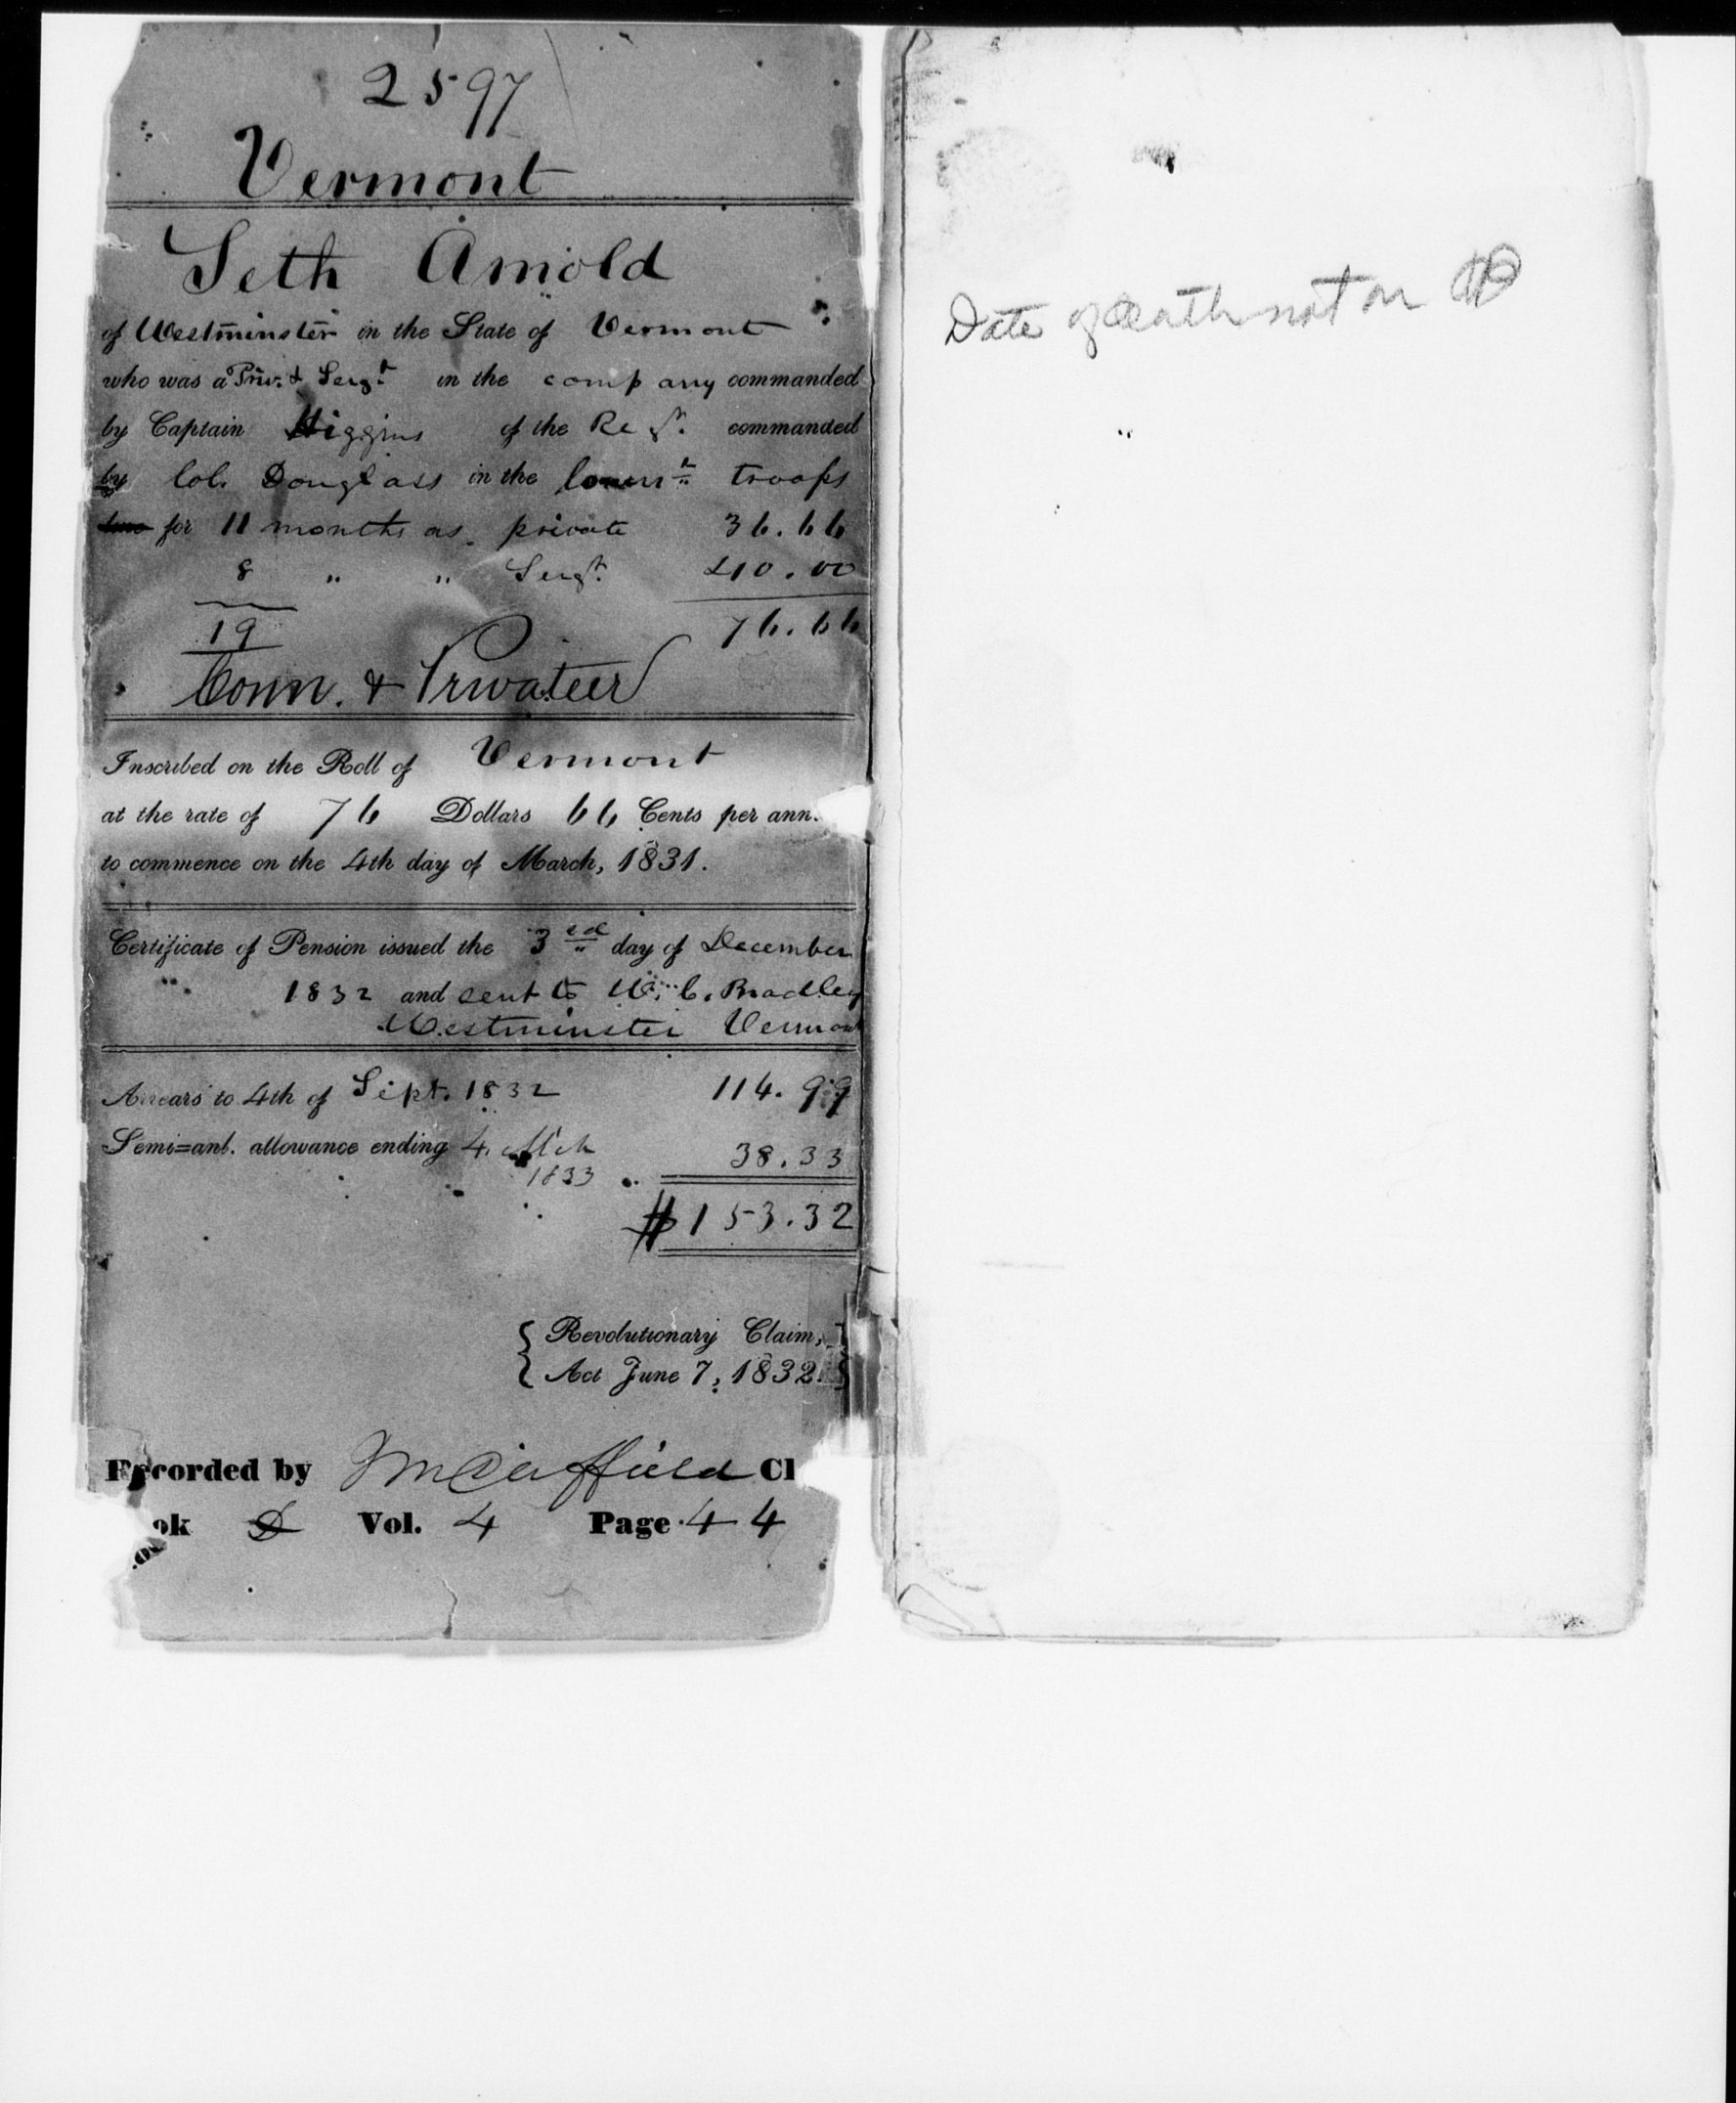2597
Vermont
Seth Arnold
of Westminster in the State of Vermont who was a Priv. & Sergt. in the company commanded by Captain Higgins of the Regt. commanded by Col. Douglass in the lower troops
for 11 months as  private 36.66
        8 "           "    Sergt.    40.00
     _____                             _______
      19                                 76.66
Conn & Privateer

Inscribed on the Roll of Vermont at the rate of 76 Dollars 66 Cents per ann. to commence on the 4th Day of March, 1831.

Certificate of Pension issued the 3rd day of December 1832 and sent to W. C Bradley
Westminster Vermont

Arrears to 4th of Sept. 1832  114.99
                                                 38.33
                                            $153.32
Semi=anl. allowance ending 4 M'ch 1833

{Revolutionary Claim, 
Act June 7, 1832.

Recorded by J MCaffield Cl
Book x Vol 4 Page 44

Date of Death not on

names: W C Bradley, Seth Arnold, Douglass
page: 2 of 9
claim: survivor's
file: S. 18690, Seth Arnold, Conn. Privateer